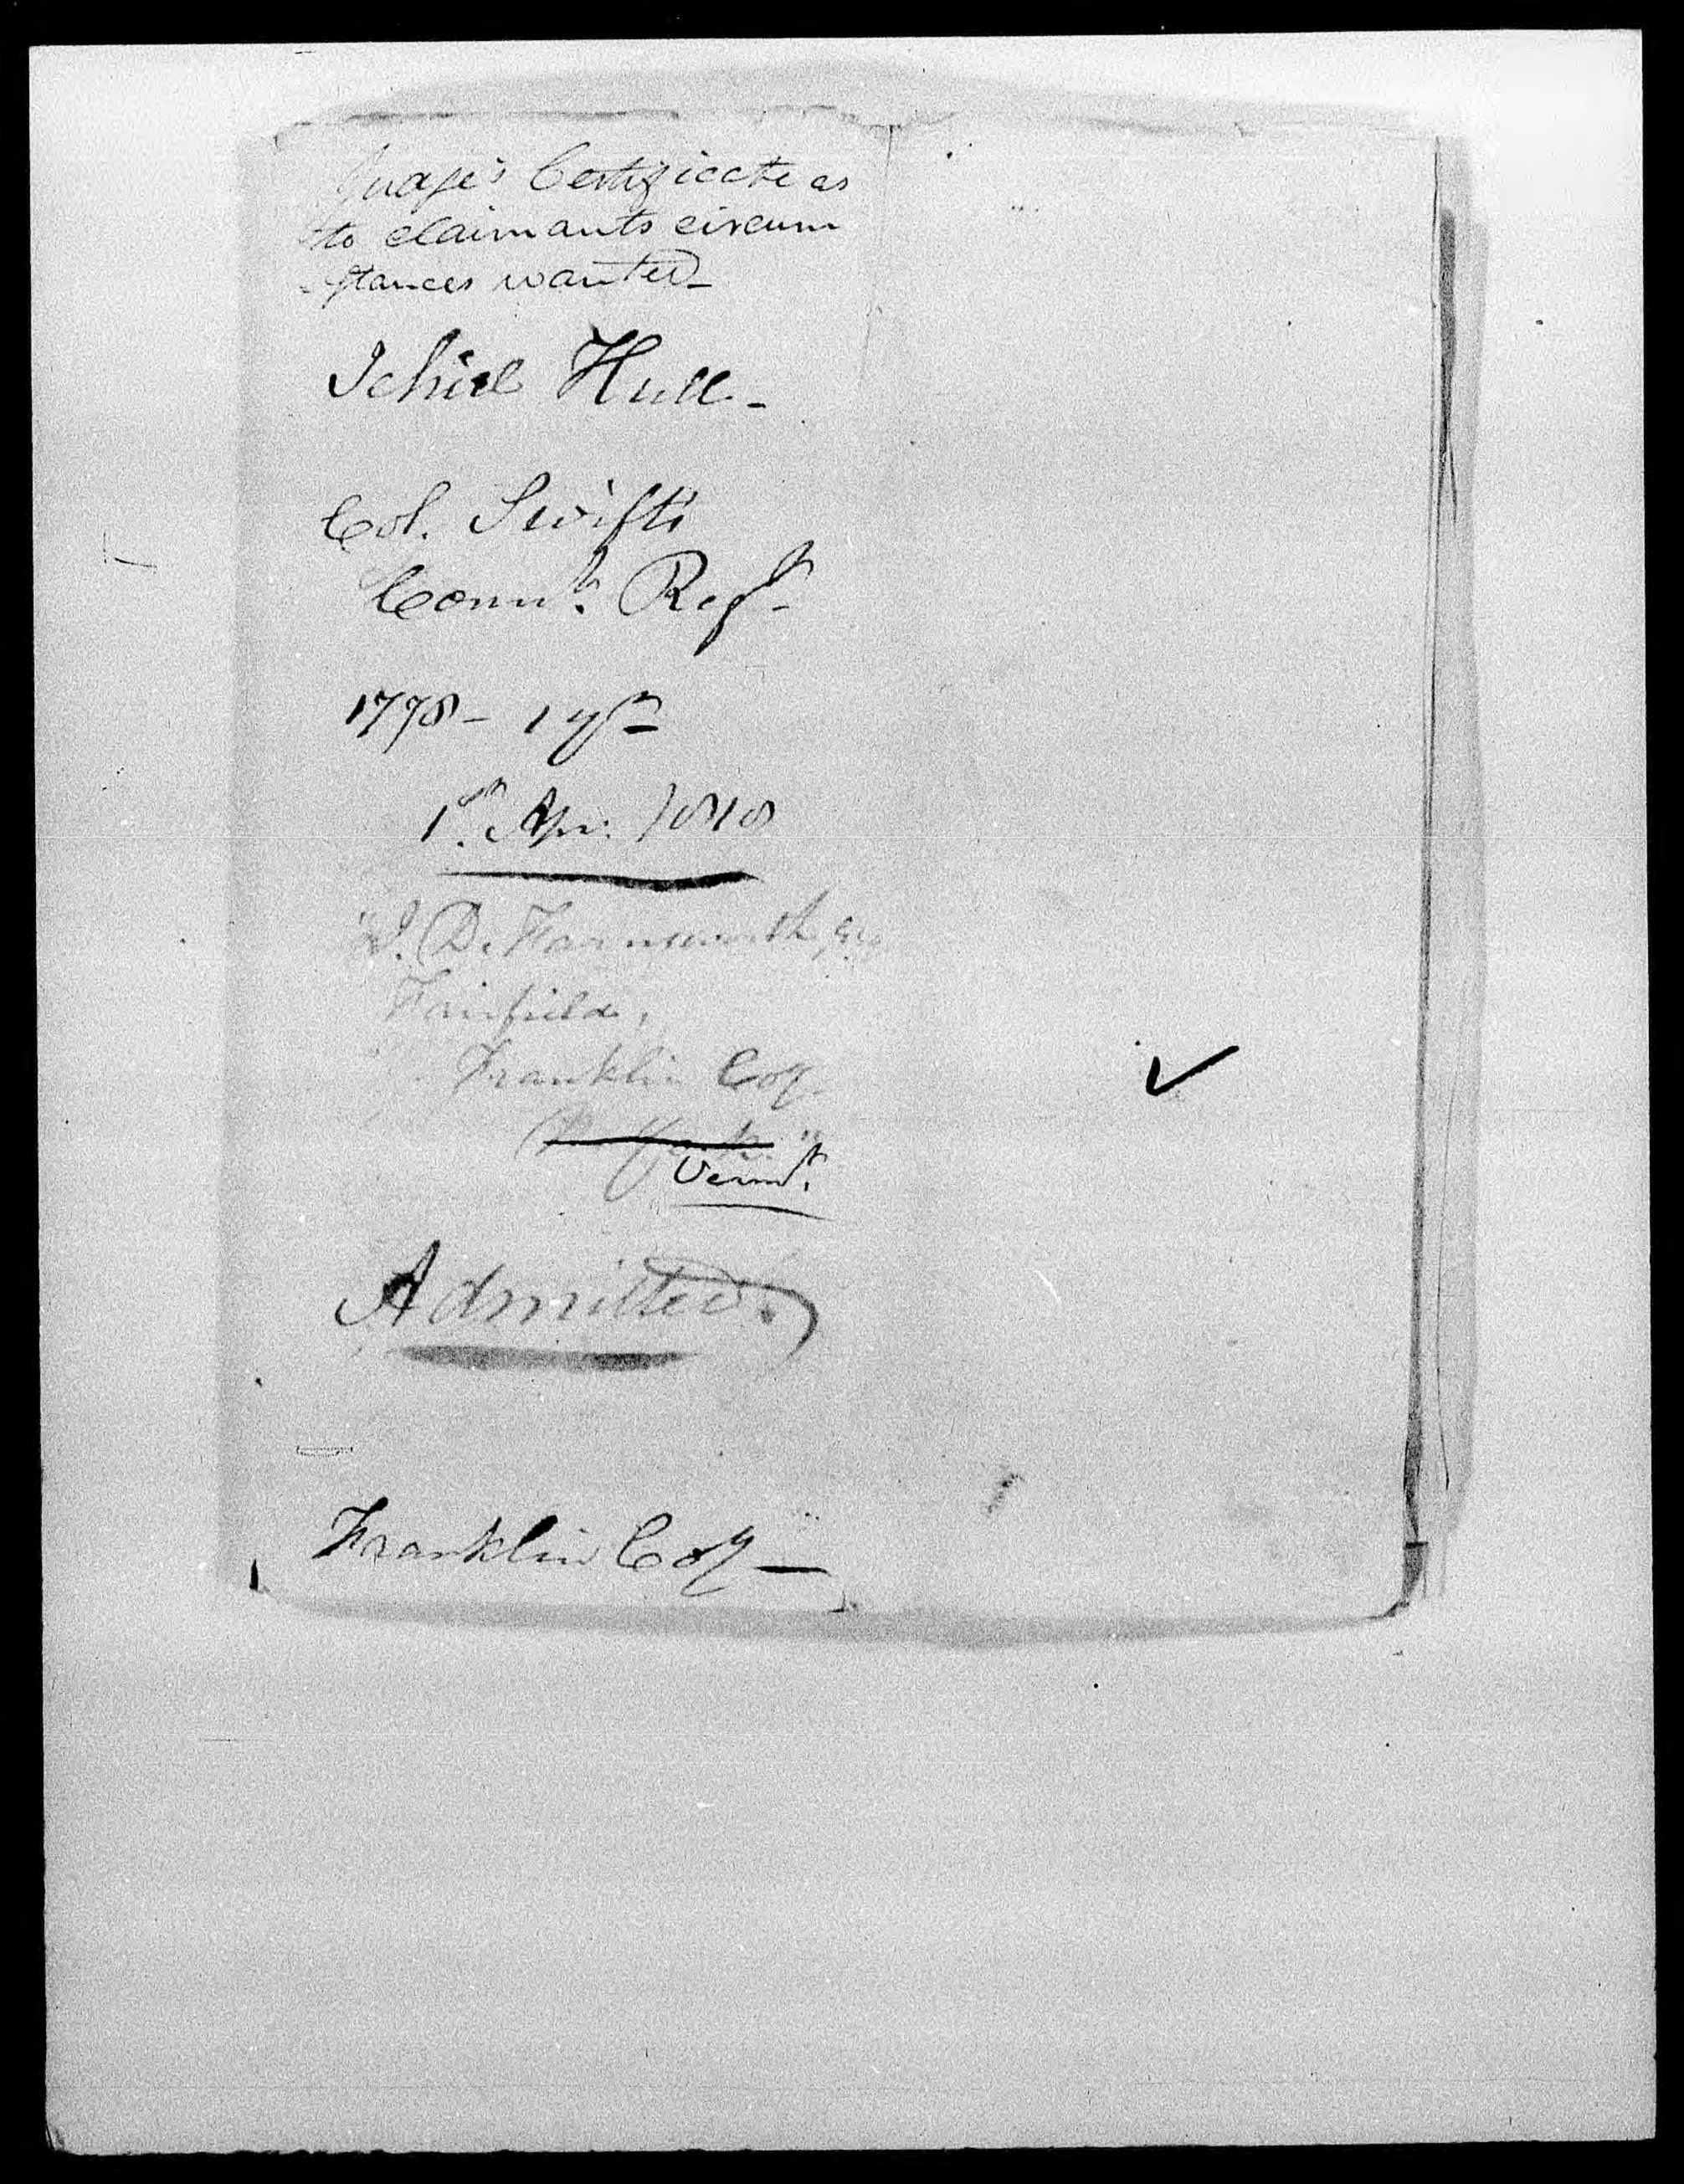[handwritten]

Judge's Certificates
to claimants circumstances [illegible]

Jehiel Hull-

Col. Swift's
Conn't. Regt.

1775 - [illegible]

1st Apr. 1818
_____________
J. D. Farnsworth, Esq.
[check mark on right]
Fairfield,
Franklin Coy. [county]
[struck through] New York
Verm't.
_____________
Admitted
__________

Franklin Coy. [county] -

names: Jehiel Hull, J D Farnsworth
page: 36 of 58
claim: widow's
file: W. 25813, Jehiel Hull, Conn.